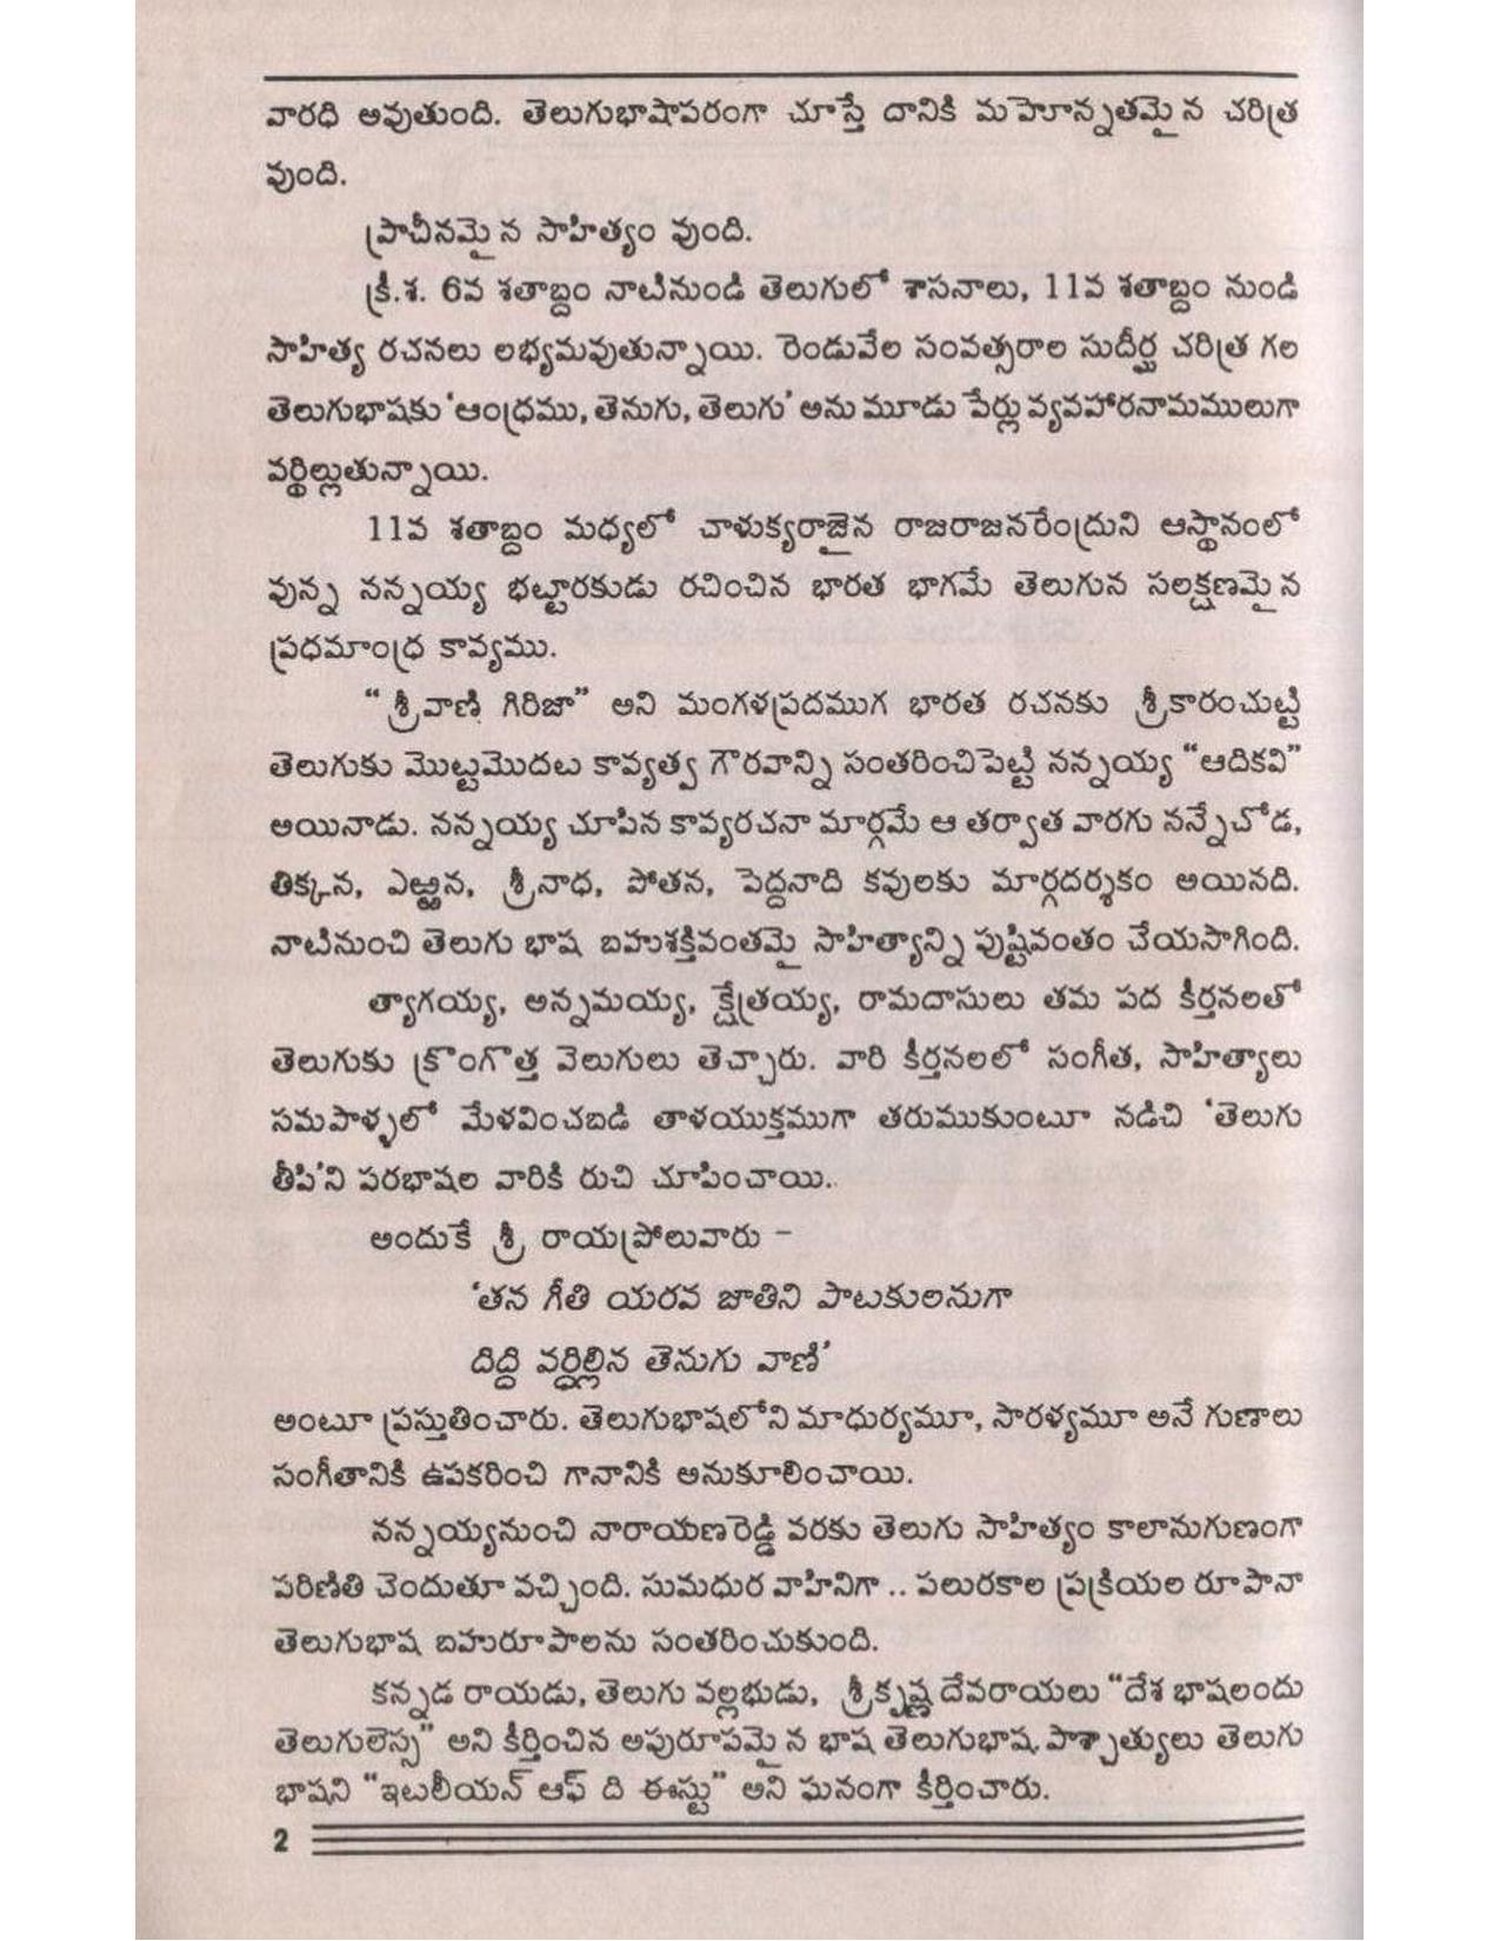వారధి అవుతుంది. తెలుగుభాషాపరంగా చూస్తే దానికి మహోన్నతమైన చరిత్ర వుంది.

ప్రాచీనమైన సాహిత్యం వుంది. 

క్రీ.శ. 6వ శతాబ్దం నాటినుండి తెలుగులో శాసనాలు, 11వ శతాబ్దం నుండి సాహిత్య రచనలు లభ్యమవుతున్నాయి. రెండువేల సంవత్సరాల సుదీర్ఘ చరిత్ర గల తెలుగుభాషకు 'ఆంధ్రము, తెనుగు, తెలుగు అను మూడు పేర్లు వ్యవహారనామములుగా వర్ధిల్లుతున్నాయి.

11వ శతాబ్దం మధ్యలో చాళుక్యరాజైన రాజరాజనరేంద్రుని ఆస్థానంలో వున్న నన్నయ్య భట్టారకుడు రచించిన భారత భాగమే తెలుగున సలక్షణమైన ప్రధమాంధ్ర కావ్యము.

"శ్రీవాణి గిరిజా" అని మంగళప్రదముగ భారత రచనకు శ్రీకారం చుట్టి తెలుగుకు మొట్టమొదట కావ్యత్వ గౌరవాన్ని సంతరించిపెట్టి నన్నయ్య "ఆదికవి" అయినాడు. నన్నయ్య చూపిన కావ్యరచనా మార్గమే ఆ తర్వాత వారగు నన్నేచోడ, తిక్కన, ఎఱ్ఱన, శ్రీనాధ, పోతన, పెద్దనాది కవులకు మార్గదర్శకం అయినది. నాటినుంచి తెలుగు భాష బహుశక్తివంతమై సాహిత్యాన్ని పుష్టివంతం చేయసాగింది. 

త్యాగయ్య, అన్నమయ్య, క్షేత్రయ్య, రామదాసులు తమ పద కీర్తనలలో తెలుగుకు క్రొంగొత్త వెలుగులు తెచ్చారు. వారి కీర్తనలలో సంగీత, సాహిత్యాలు సమపాళ్ళలో మేళవించబడి తాళయుక్తముగా తరుముకుంటూ నడిచి 'తెలుగు తీపి'ని పరభాషల వారికి రుచి చూపించాయి.

అందుకే శ్రీ రాయప్రోలువారు -

అంటూ ప్రస్తుతించారు. తెలుగుభాషలోని మాధుర్యమూ, సారళ్యమూ అనే గుణాలు సంగీతానికి ఉపకరించి గానానికి అనుకూలించాయి.

నన్నయ్యనుంచి నారాయణరెడ్డి వరకు తెలుగు సాహిత్యం కాలానుగుణంగా పరిణితి చెందుతూ వచ్చింది. సుమధుర వాహినిగా. . పలురకాల ప్రక్రియల రూపానా తెలుగుభాష బహురూపాలను సంతరించుకుంది.

కన్నడ రాయడు, తెలుగు వల్లభుడు, శ్రీకృష్ణదేవరాయలు "దేశ భాషలందు తెలుగులెస్స" అని కీర్తించిన అపురూపమైన భాష తెలుగుభాష. పాశ్చాత్యులు తెలుగు భాషని "ఇటలీయన్ ఆఫ్ ది ఈస్టు" అని ఘనంగా కీర్తించారు.